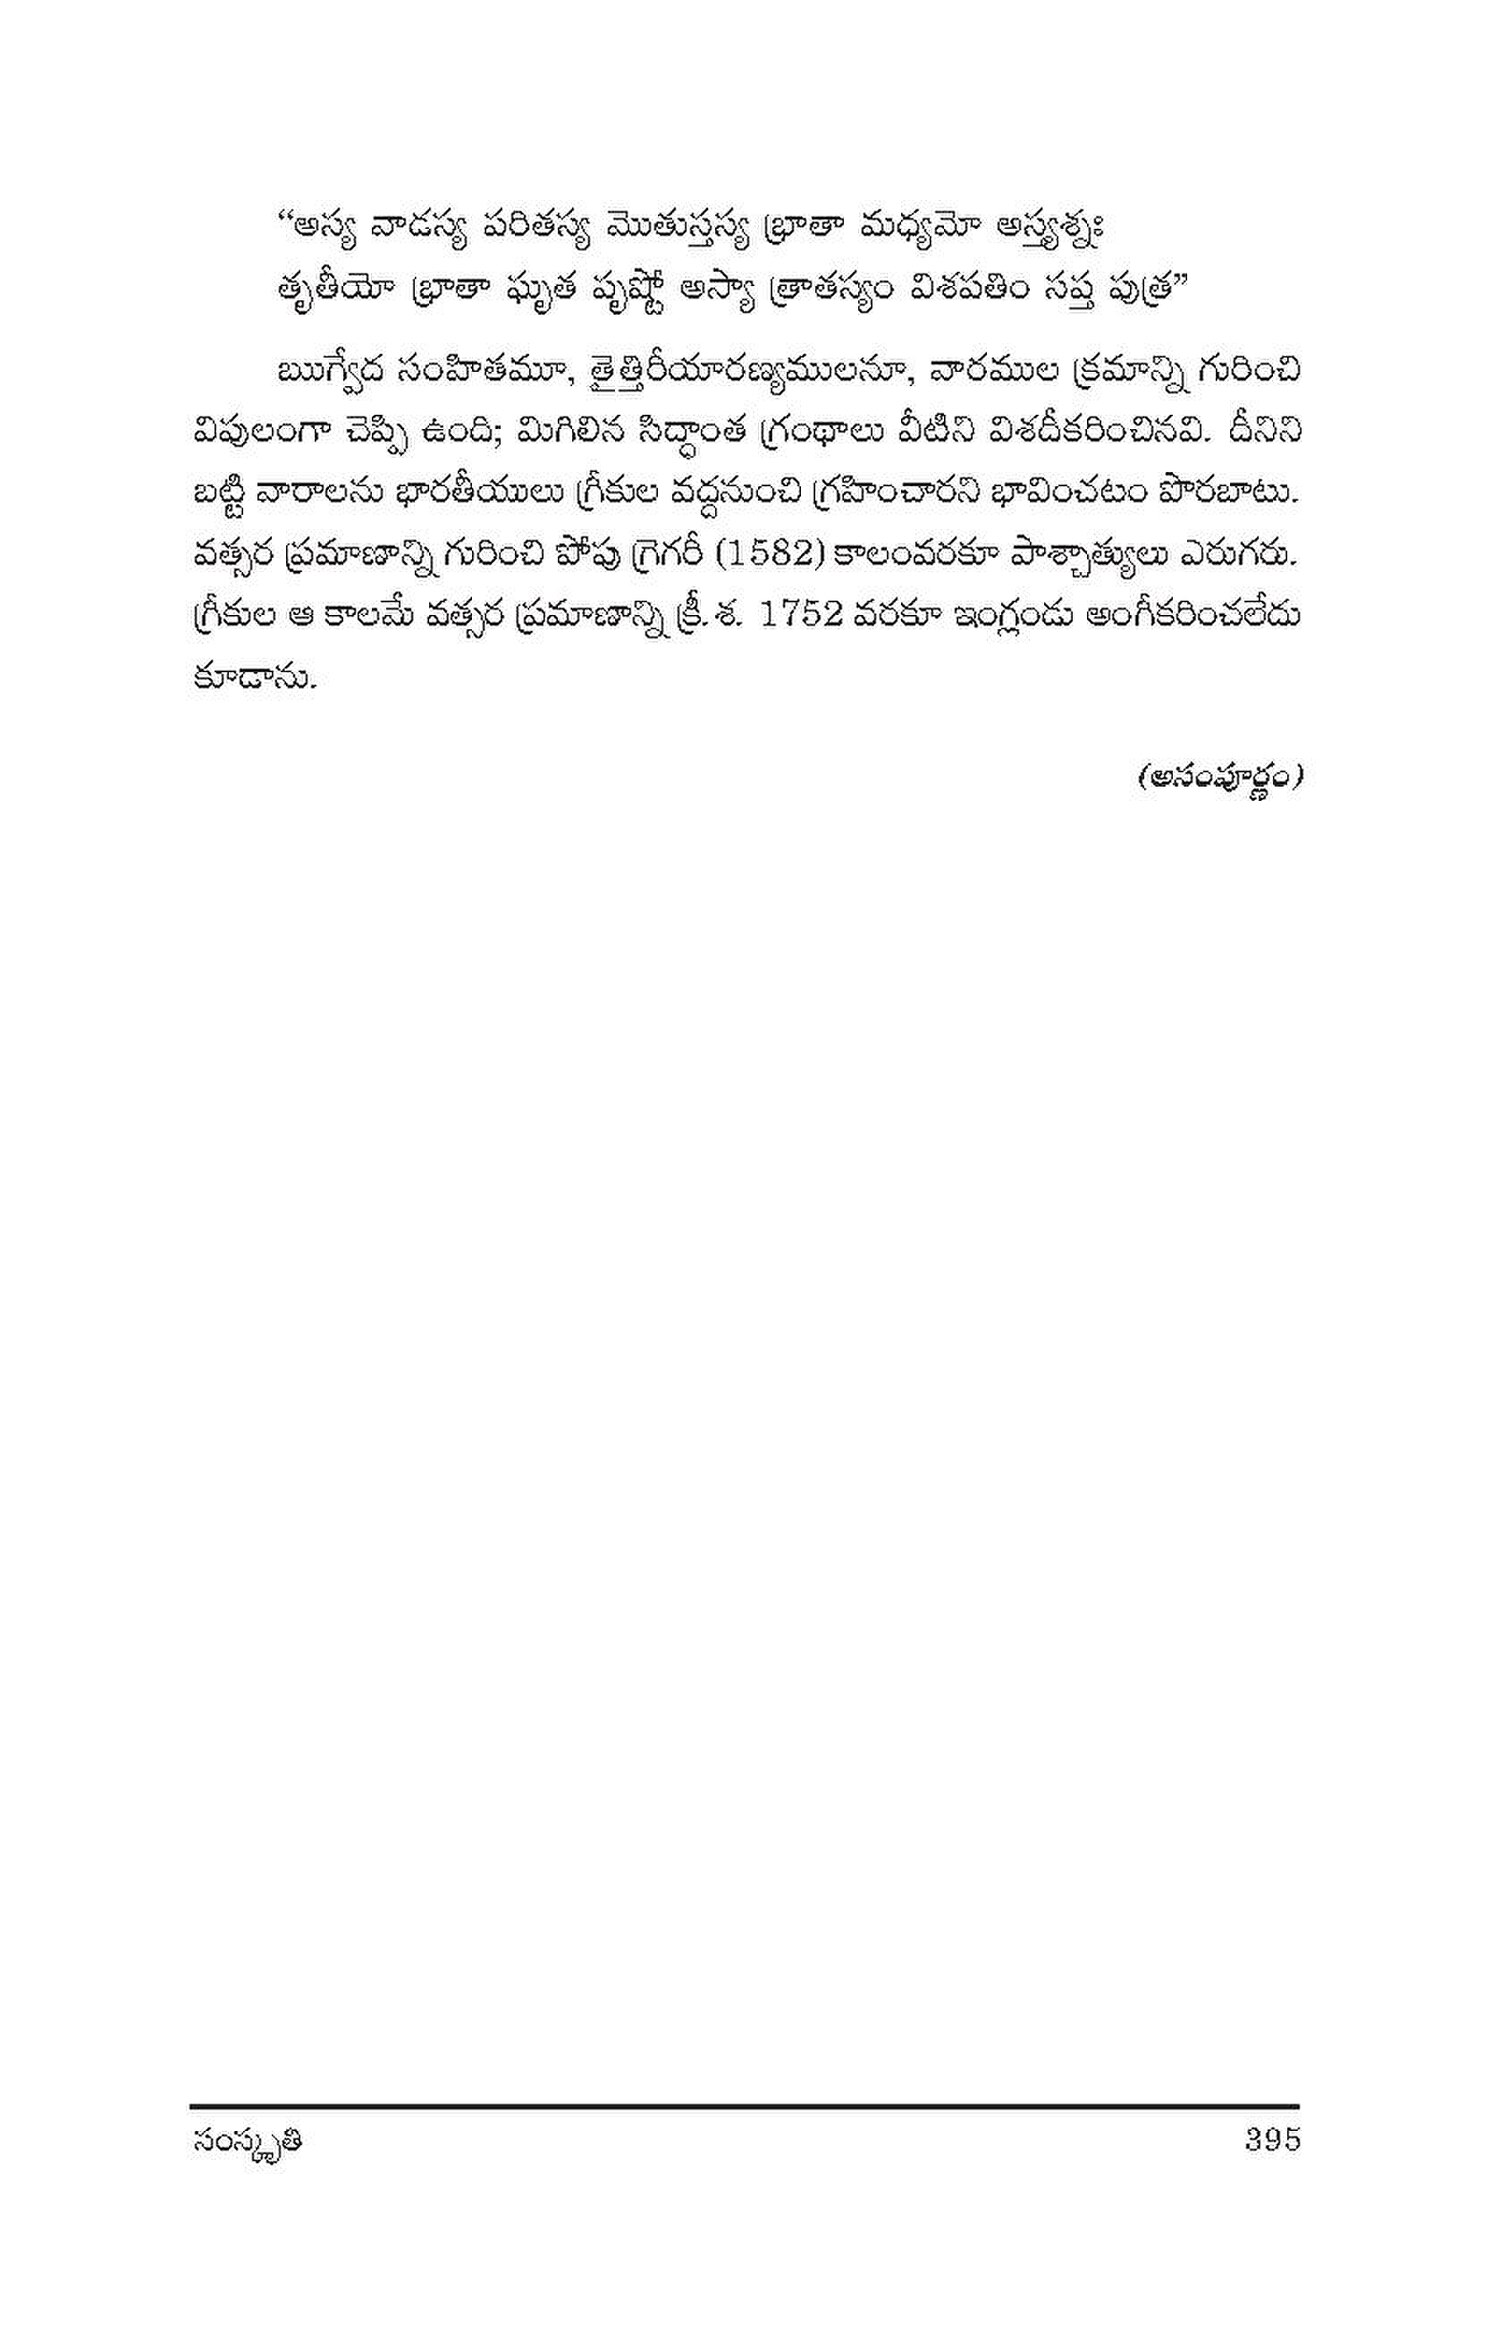"అస్య వాడస్య పరితస్య మొతుస్తస్య భ్రాతా మధ్యమో అస్త్యశ్నః
తృతీయో భ్రాతా ఘృత పృష్టో అస్యా త్రాతస్యం విశపతిం సప్త పుత్ర"
ఋగ్వేద సంహితమూ, తైత్తిరీయారణ్యములనూ, వారముల క్రమాన్ని గురించి
విపులంగా చెప్పి ఉంది; మిగిలిన సిద్ధాంత గ్రంథాలు వీటిని విశదీకరించినవి. దీనిని
బట్టి వారాలను భారతీయులు గ్రీకుల వద్దనుంచి గ్రహించారని భావించటం పొరబాటు.
వత్సర ప్రమాణాన్ని గురించి పోపు గ్రెగరీ (1582) కాలంవరకూ పాశ్చాత్యులు ఎరుగరు.
గ్రీకుల ఆ కాలమే వత్సర ప్రమాణాన్ని క్రీ.శ. 1752 వరకూ ఇంగ్లండు అంగీకరించలేదు
కూడాను.